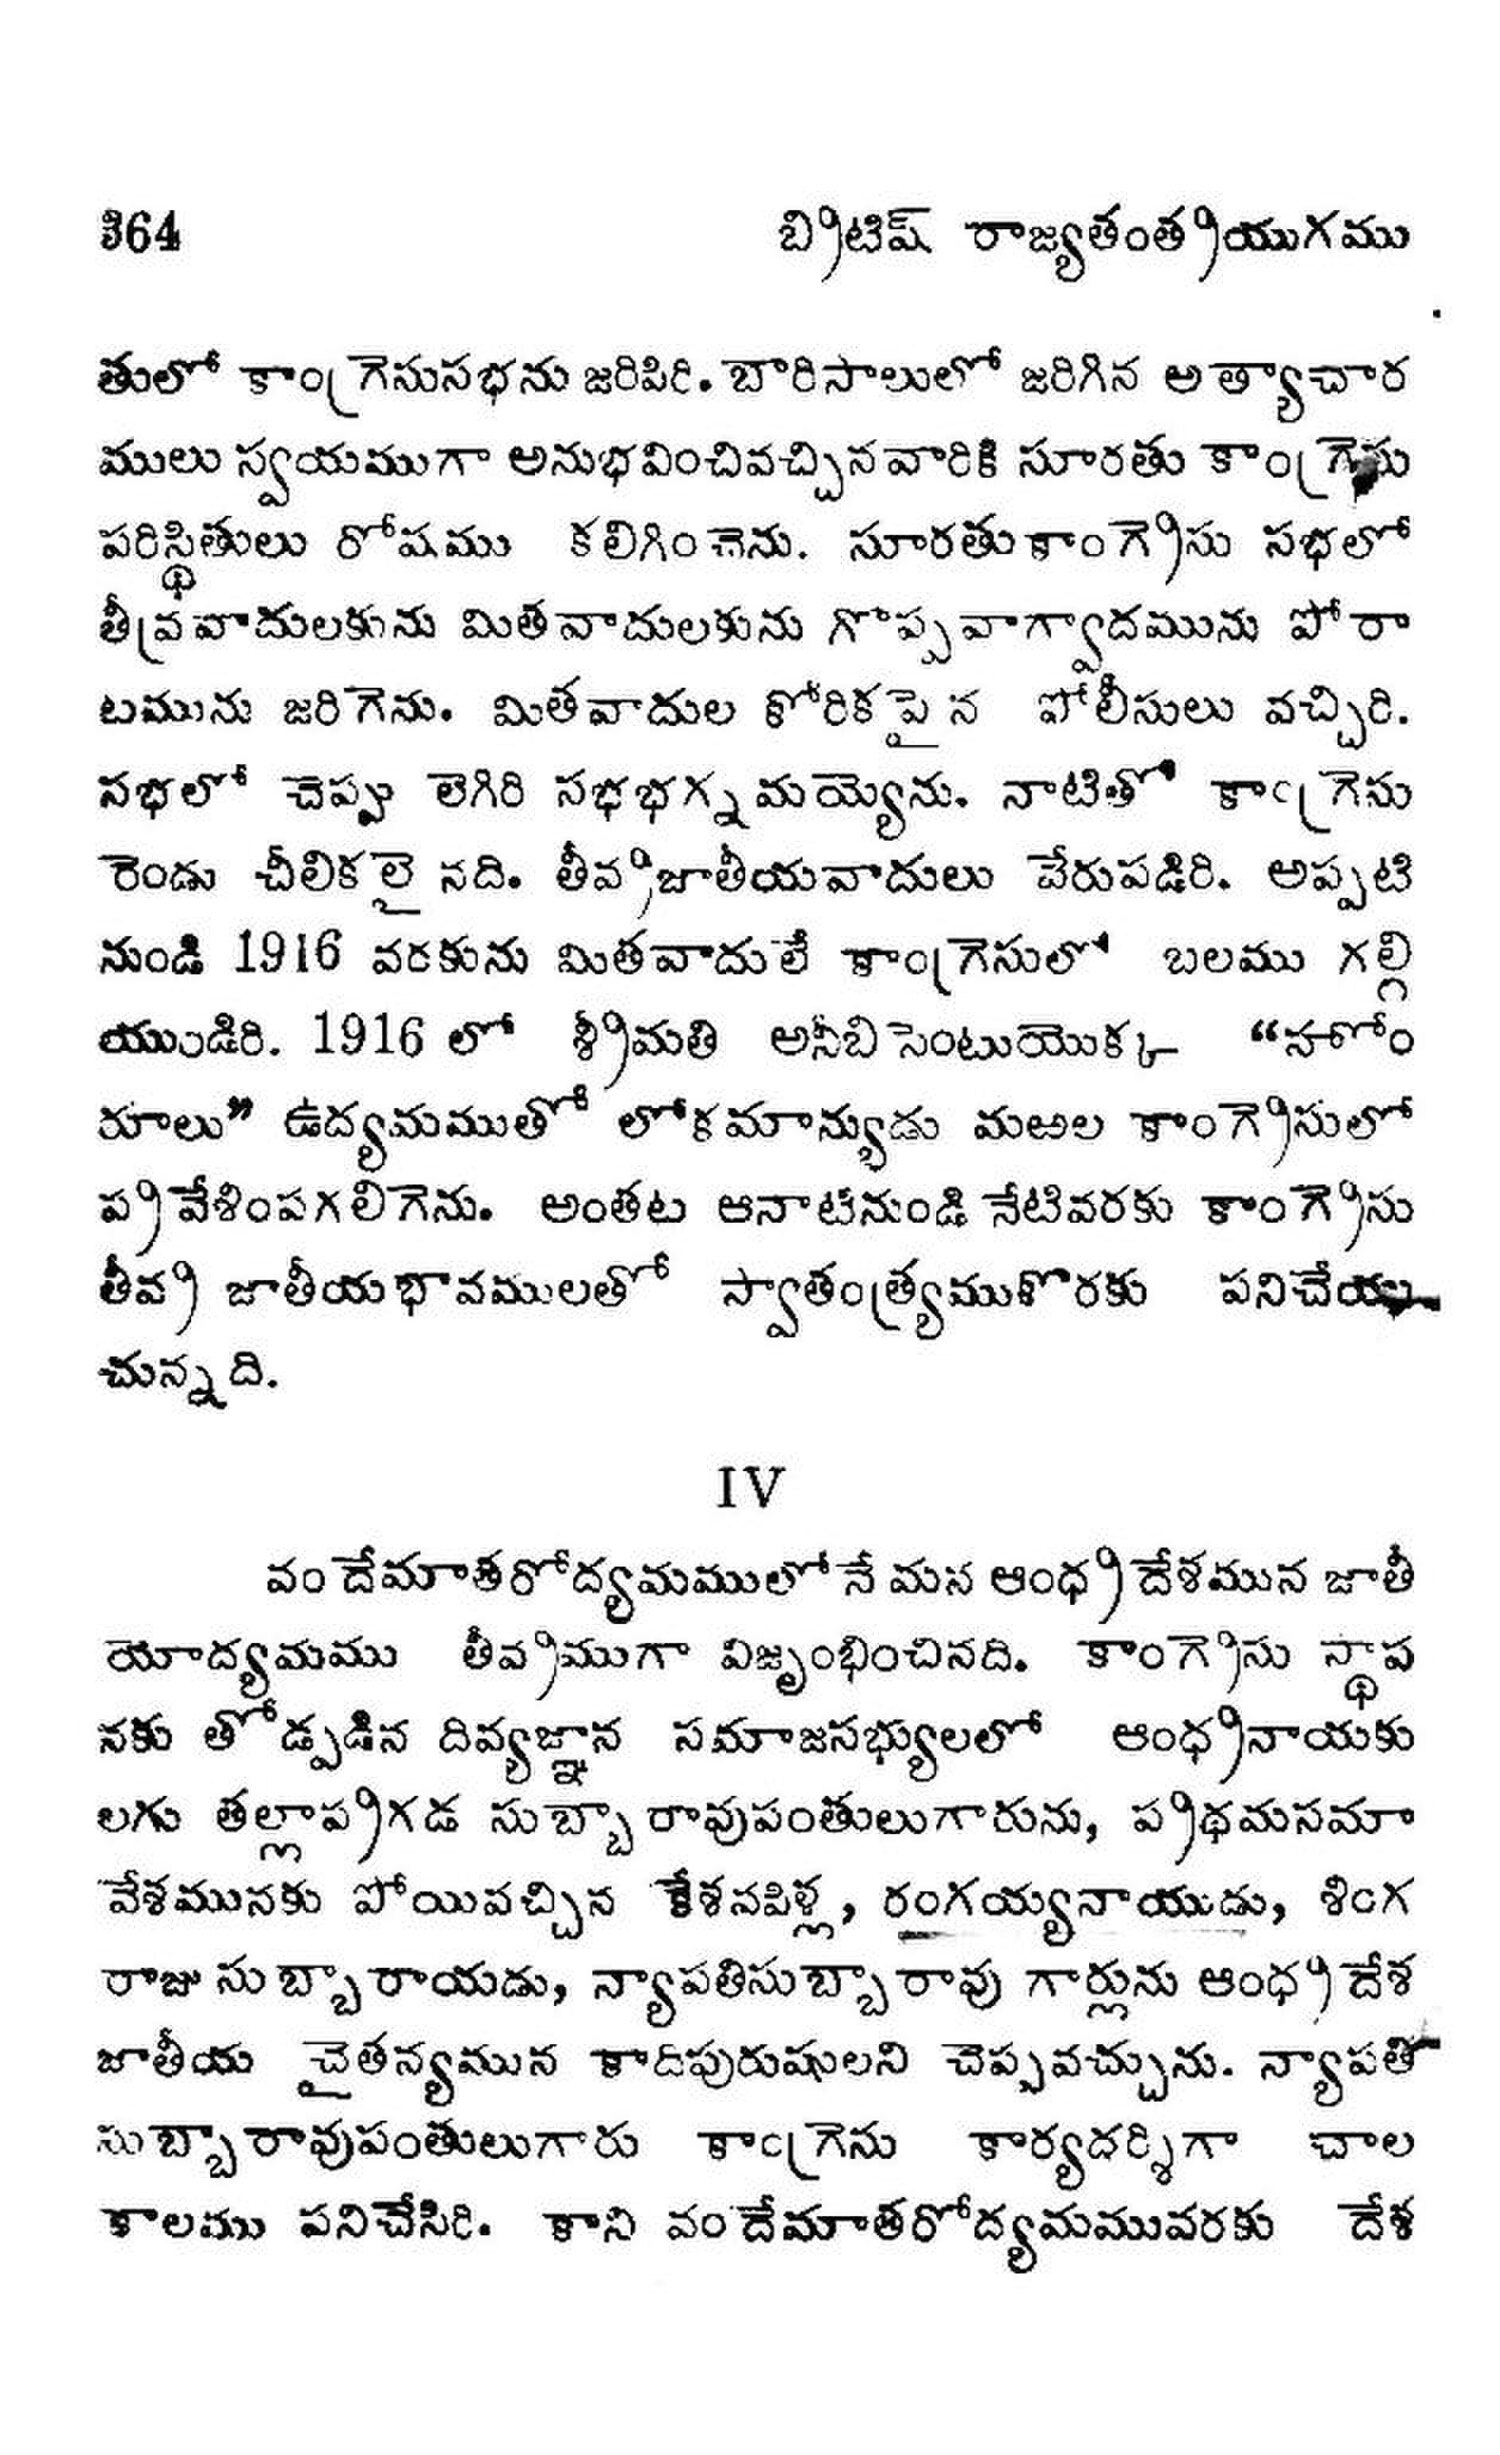తులో కాంగ్రెసుసభను జరిపిరి. బారిసాలులో జరిగిన అత్యాచారములు స్వయముగా అనుభవించివచ్చినవారికి సూరతు కాంగ్రెసు పరిస్థితులు రోషము కలిగించెను. సూరతుకాంగ్రెసు సభలో తీవ్రవాదులకును మితవాదులకును గొప్ప వాగ్వాదమును పోరాటమును జరిగెను. మితవాదుల కోరికపైన పోలీసులు వచ్చిరి. సభలో చెప్పు లెగిరి సభభగ్న మయ్యెను. నాటితో కాంగ్రెసు రెండు చీలికలైనది. తీవ్రజాతీయవాదులు వేరుపడిరి. అప్పటినుండి 1916 వరకును మితవాదులే కాంగ్రెసులో బలము గల్గి యుండిరి. 1916 లో శ్రీమతి అనీబిసెంటుయొక్క "హోం రూలు" ఉద్యమముతో లోకమాన్యుడు మఱల కాంగ్రెసులో ప్రవేశింపగలిగెను. అంతట ఆనాటినుండి నేటివరకు కాంగ్రెసు తీవ్రజాతీయభావములతో స్వాతంత్ర్యముకొరకు పనిచేయుచున్నది.

IV 

వందేమాతరోద్యమములోనే మన ఆంధ్రదేశమున జాతీయోద్యమము తీవ్రముగా విజృంభించినది. కాంగ్రెసు స్థాపనకు తోడ్పడిన దివ్యజ్ఞాన సమాజసభ్యులలో ఆంధ్రనాయకులగు తల్లాప్రగడ సుబ్బారావుపంతులుగారును, ప్రథమసమావేశమునకు పోయివచ్చిన కేశవపిళ్ల , రంగయ్యనాయుడు, శింగరాజు సుబ్బారాయడు, న్యాపతిసుబ్బారావు గార్లును ఆంధ్రదేశ జాతీయ చైతన్యమున కాదిపురుషులని చెప్పవచ్చును. న్యాపతిసుబ్బారావుపంతులుగారు కాంగ్రెసు కార్యదర్శిగా చాలకాలము పనిచేసిరి. కాని వందేమాతరోద్యమమువరకు దేశ